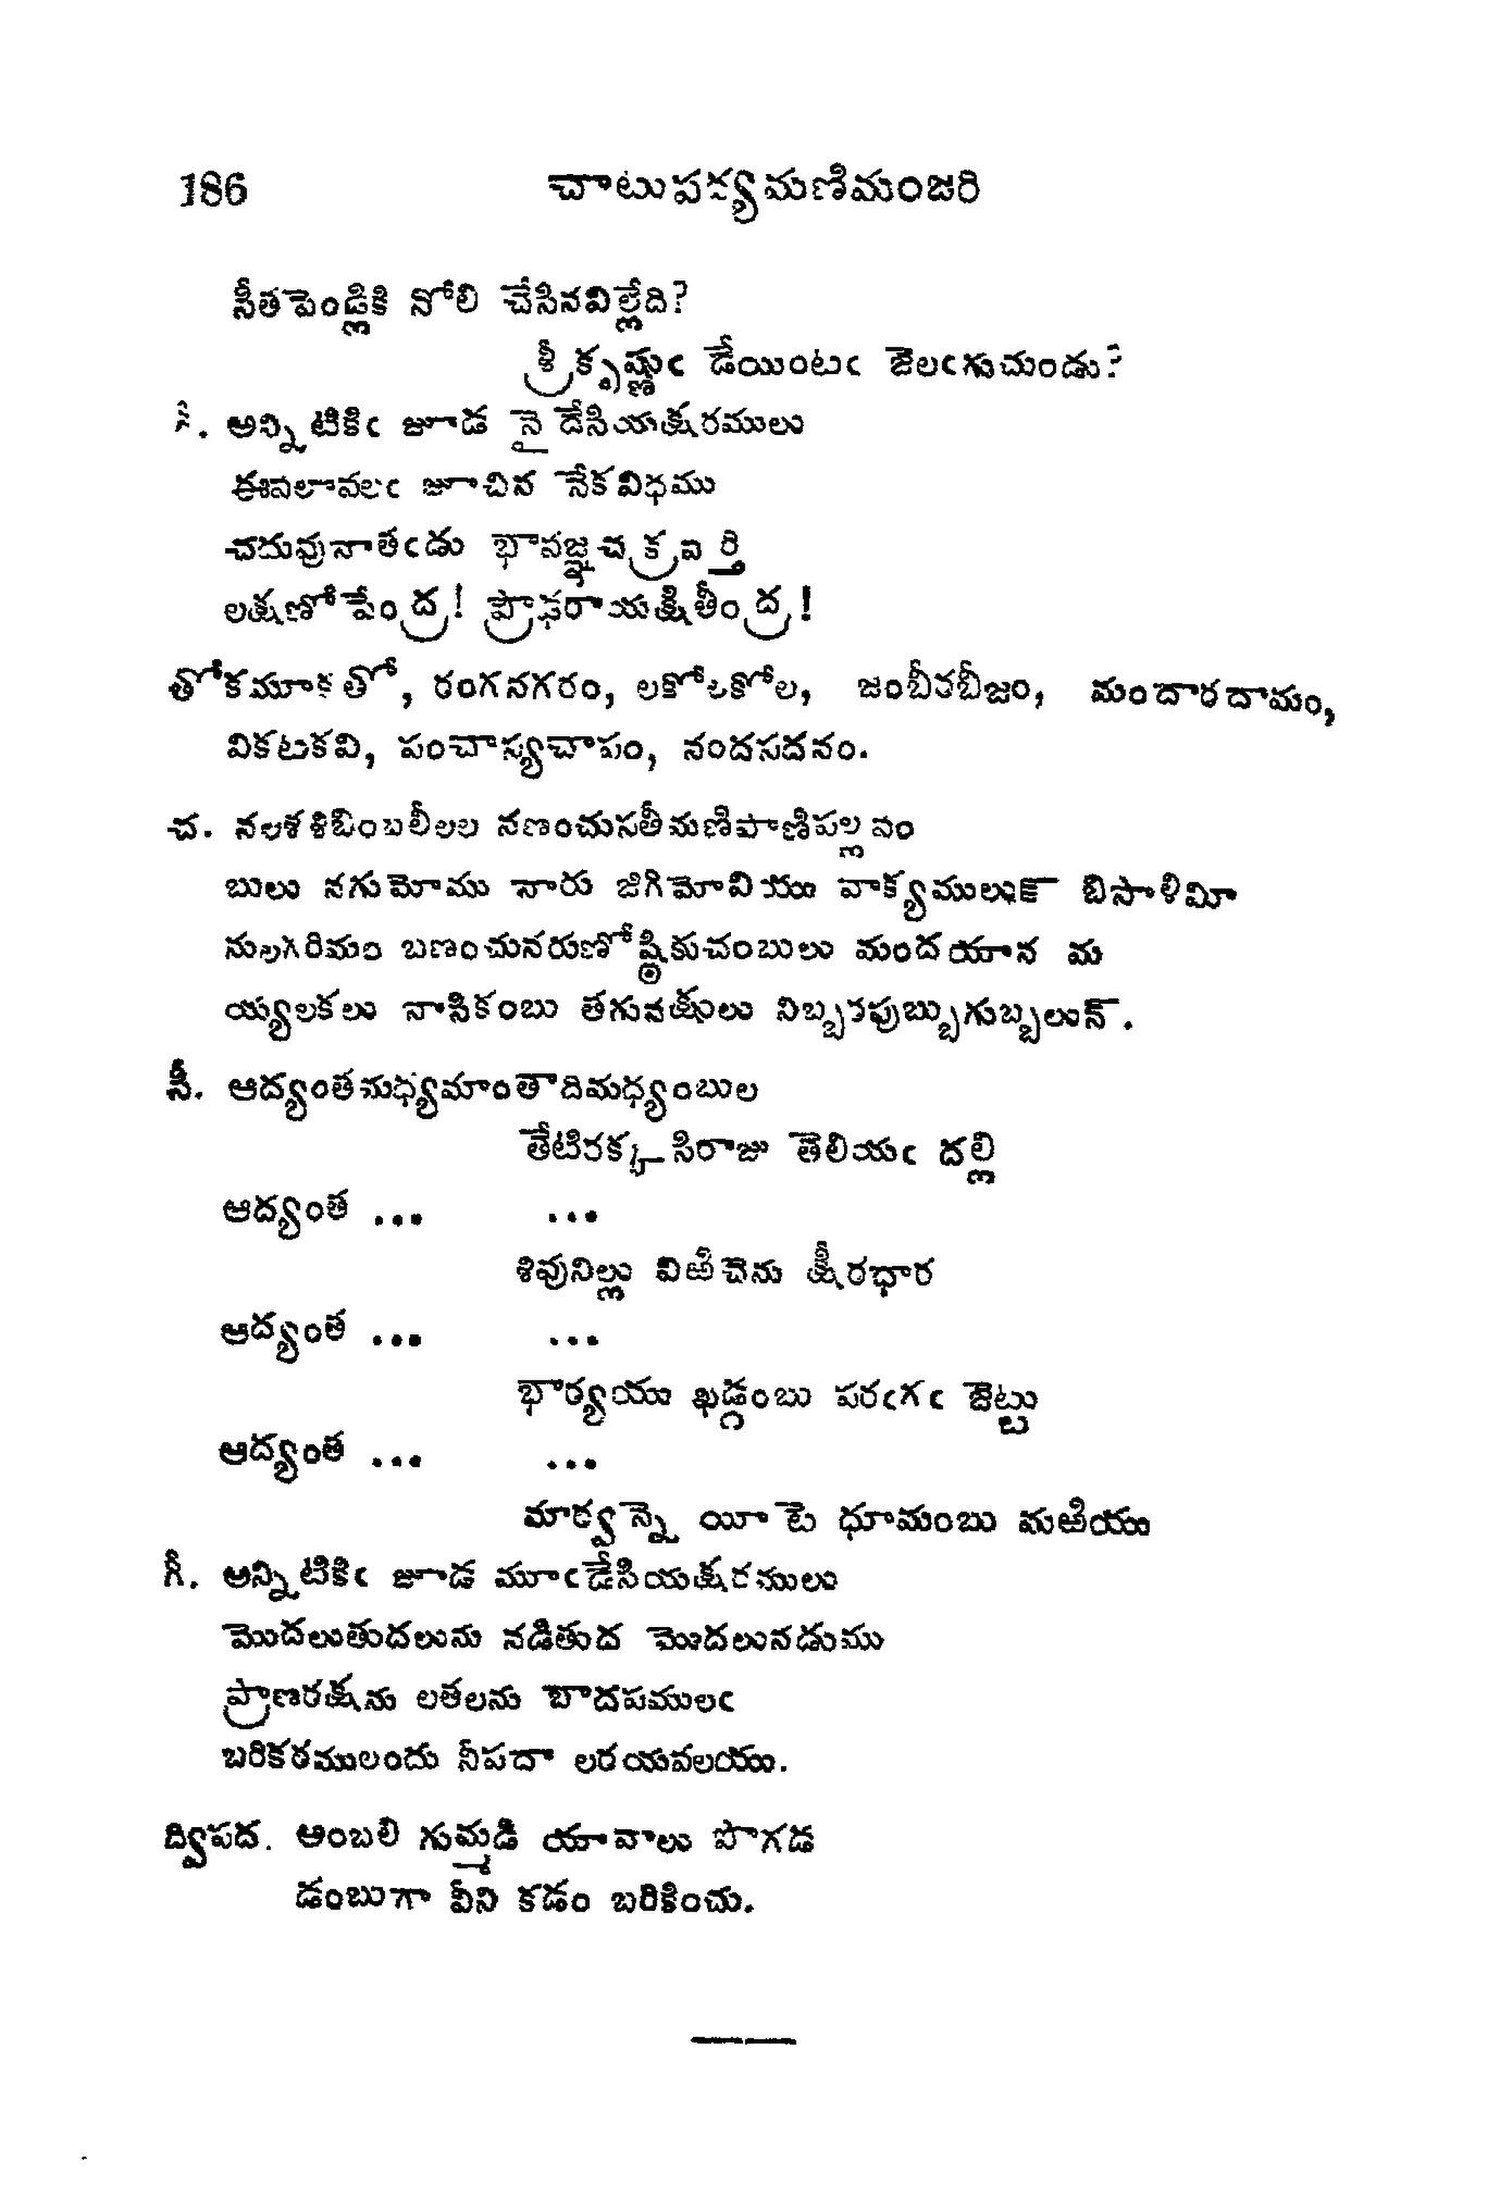సీతపెండ్లికి నోలి చేసినవిల్లేది?
 శ్రీకృష్ణుఁ డేయింటఁ జెలఁగుచుండు?
గీ. అన్నిటికిఁ జూడ నైదేసియక్షరములు
 ఈవలావలఁ జూచిన నేకవిధము
 చదువునాతఁడు భావజ్ఞచక్రవర్తి
 లక్షణోపేంద్ర! ప్రౌఢరాయక్షితీంద్ర!
తోకమూకతో, రంగనగరం, లకోలకోల, జంబీరబీజం, మందారదామం, వికటకవి,
పంచాస్యచాపం, నందసదనం
చ. నలశశిబింబలీలల నణంచుసతీమణిపాణిపల్లవం
 బులు నగుమోము నారు జిగిమోవియు వాక్యములున్ బిసాళిమీ
 నులగరిమం బణంచు సరుణోష్ఠికుచంబులు మందయాన మ
 య్యలకలు నాసికంబు తగునక్షులు నిబ్బరపుబ్బుగుబ్బలున్.
సీ. ఆద్యంతమధ్యమాంతాదిమధ్యంబుల
 తేటి రక్కసిరాజు తెలియఁ దల్లి
 ఆద్యంతమధ్యమాంతాదిమధ్యంబుల
 శివువిల్లు విఱిచెను క్షీరధార
 ఆద్యంతమధ్యమాంతాదిమధ్యంబుల
 భార్యయు ఖడ్గంబు పరఁగఁ జెట్టు
 ఆద్యంతమధ్యమాంతాదిమధ్యంబుల
 మార్వన్నె యీటె ధూమంబు మఱియు
గీ. అన్నిటికిఁ జూడ మూఁడేసియక్షరములు
 మొదలుతుదలును నడితుద మొదలునడుము
 ప్రాణరక్షను లతలను బాదపములఁ
 బరికరములందు నీపదా లరయవలయు.
ద్విపద. అంబలి గుమ్మడి యావాలు పొగడ
 డంబుగా వీని కడం బరికించు.